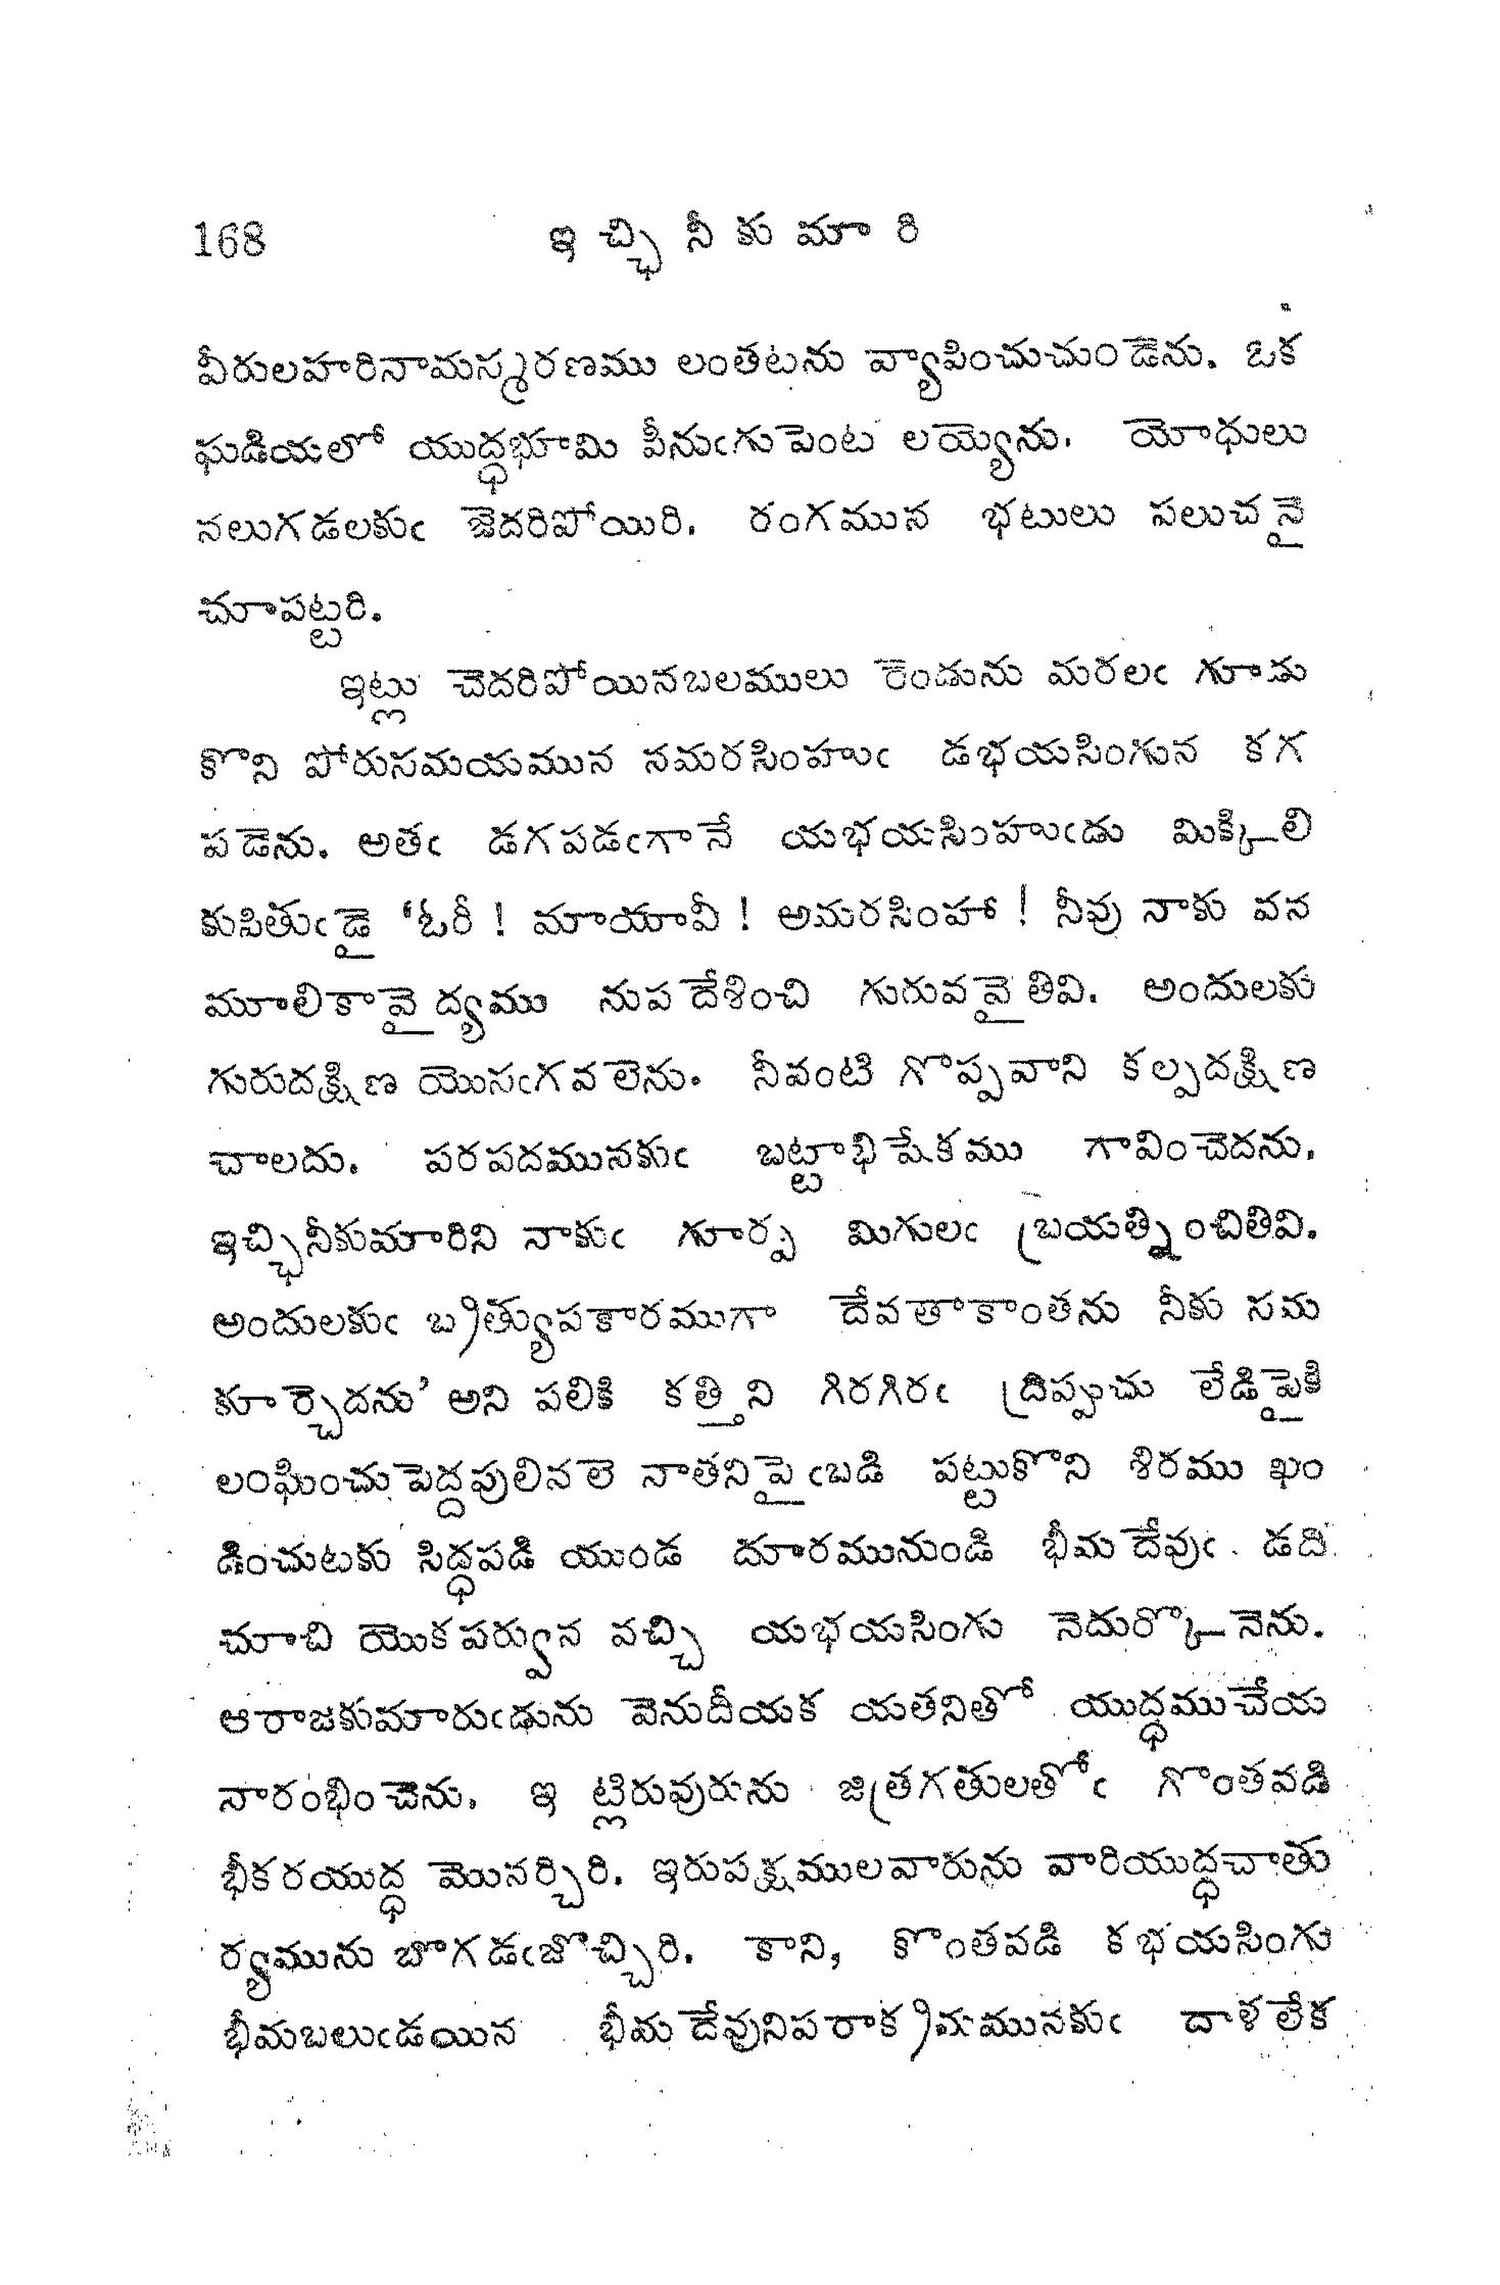వీరుల హరినామస్మరణము లంతటను వ్యాపించుచుండెను. ఒక
ఘడియలో యుద్ధభూమి పీనుఁగు పెంట లయ్యెను. యోధులు
నలుగడలకుఁ జెదరిపోయిరి. రంగమున భటులు పలుచనై
చూపట్టరి.
ఇట్లు చెదరిపోయిన బలములు రెండును మరలఁ గూడు
కొని పోరు సమయమున సమర సింహుఁ డభయసింగున కగ
పడెను. అతఁ డగపడఁగానే యభయసింహుఁడు మిక్కిలి
కుపితుఁడై 'ఓరీ ! మాయావీ ! అమరసింహా ! నీవు నాకు వన
మూలికావైద్యము నుప దేశించి గురువవై తివి. అందులకు
గురుదక్షిణ యొసఁగవలెను. నీవంటి గొప్ప వాని కల్పదక్షిణ
చాలదు.
పరపదమునకుఁ బట్టాభి షేకము గావించెదను.
ఇచ్ఛినీకుమారిని నాకుఁ గూర్ప మిగులఁ బ్రయత్నించితివి.
అందులకుఁ బ్రత్యుపకారముగా దేవ తా కాంతను నీకు సమ
కూర్చెదను' అని పలికి కత్తిని గిరగిరఁ ద్రిప్పుచు లేడి పైకి
లంఘించు పెద్దపులి వలె నాతని పై బడి పట్టుకొని శిరము ఖం
డించుటకు
సిద్ధపడి
యుండ దూరమునుండి భీమ దేవుఁ . డది.
చూచి యొక పర్వున వచ్చి యభయసింగు నెదుర్కొనెను.
ఆ రాజకుమారుఁడును వెనుదీయక యతనితో యుద్ధము చేయ
నారంభించెను. ఇ ట్లిరువురును - జిత్రగతులతోఁ గొంతవడి
భీకరయుద్ధ మొనర్చిరి. ఇరుపక్షముల వారును వారి యుద్ధ చాతు
ర్యమును బొగడఁజొచ్చిరి. కాని, కొంతవడి కభయసింగు
భీమబలుఁడయిన భీమ దేవునిప రాక్ర మముసకుఁ దాళలేక